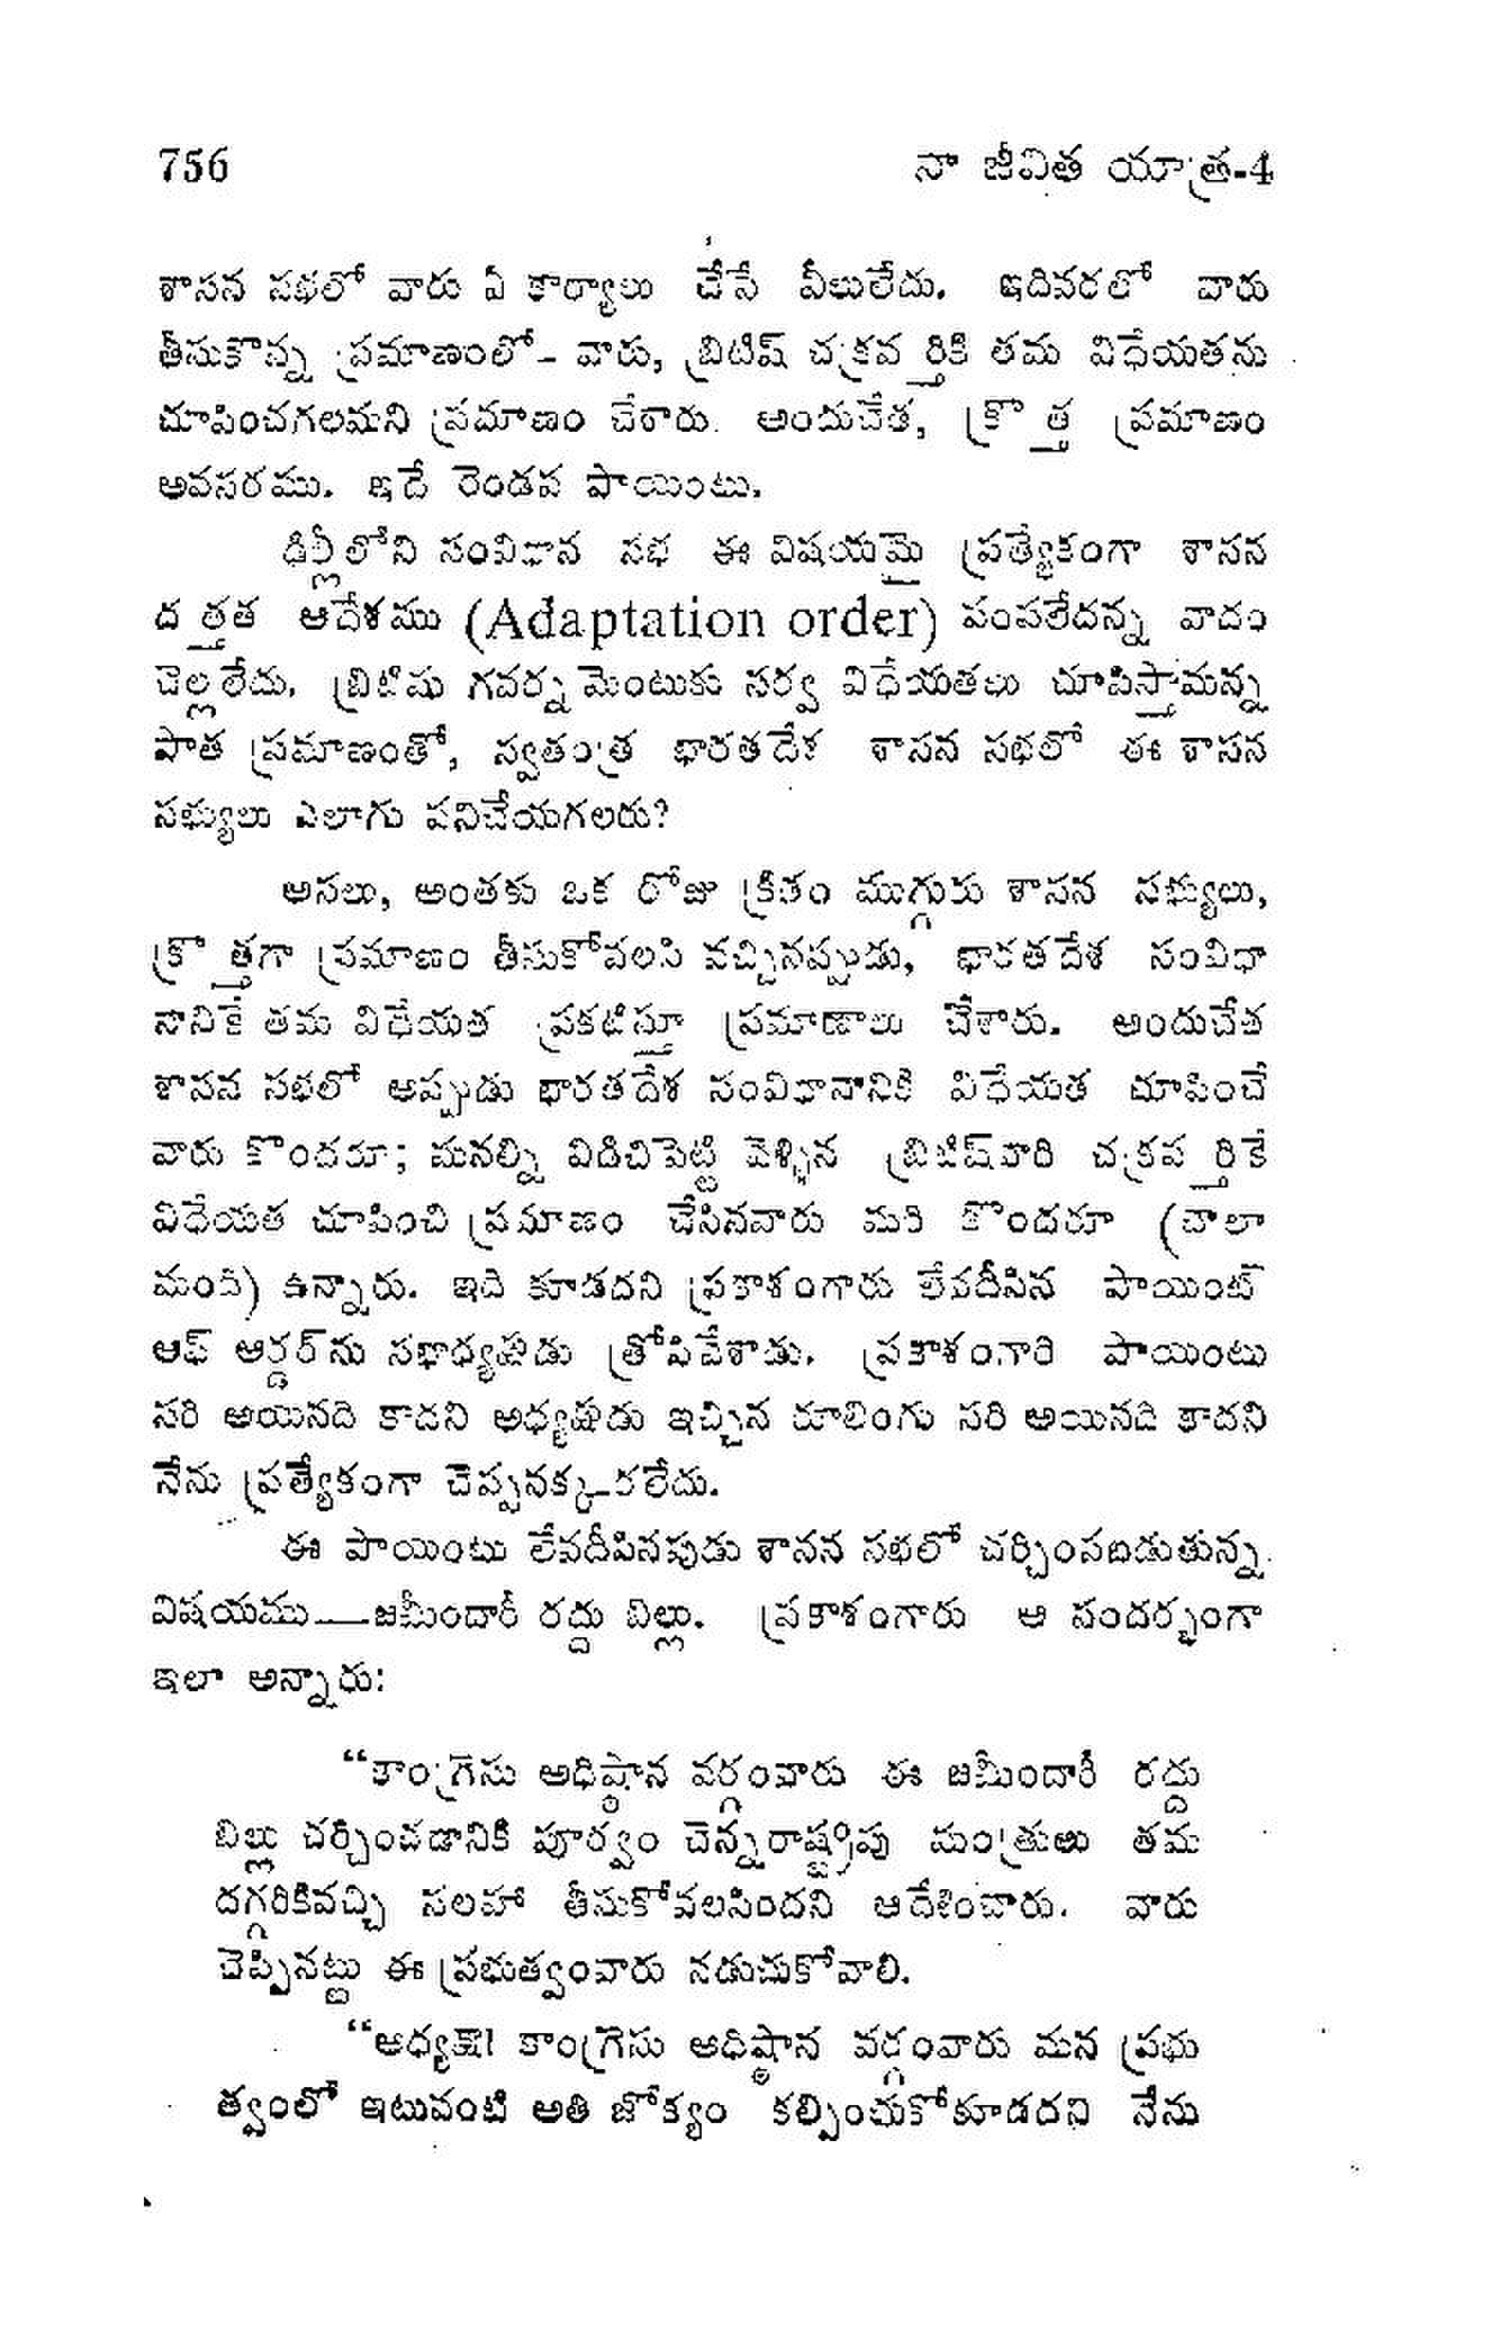శాసన సభలో వారు ఏ కార్యాలు చేసే వీలులేదు. ఇదివరలో వారు తీసుకొన్న ప్రమాణంలో - వారు, బ్రిటిష్ చక్రవర్తికి తమ విధేయతను చూపించగలమని ప్రమాణం చేశారు.అందుచేత, క్రొత్త ప్రమాణం అవసరము. ఇదే రెండవ పాయింటు.

ఢిల్లీలోని సంవిధాన సభ ఈ విషయమై ప్రత్యేకంగా శాసన దత్తత ఆదేశము (Adaptation order) పంపలేదన్న వాదం చెల్లలేదు. బ్రిటిషు గవర్నమెంటుకు సర్వ విధేయతలు చూపిస్తామన్న పాత ప్రమాణంతో, స్వతంత్ర భారతదేశ శాసన సభలో ఈ శాసన సభ్యులు ఎలాగు పనిచేయగలరు?

అసలు, అంతకు ఒక రోజు క్రితం ముగ్గురు శాసన సభ్యులు, క్రొత్తగా ప్రమాణం తీసుకోవలసి వచ్చినప్పుడు, భారతదేశ సంవిధానానికే తమ విధేయత ప్రకటిస్తూ ప్రమాణాలు చేశారు. అందుచేత శాసన సభలో అప్పుడు భారతదేశ సంవిధానికి విధేయత చూపించే వారు కొందరూ; మనల్ని విడిచిపెట్టి వెళ్ళిన బ్రిటిష్‌వారి చక్రవర్తికే విధేయత చూపించి ప్రమాణం చేసినవారు మరి కొందరూ (చాలామంది) ఉన్నారు. ఇది కూడదని ప్రకాశంగారు లేవదీసిన పాయింట్ ఆఫ్ ఆర్డర్‌ను సభాధ్యక్షుడు త్రోసివేశాడు. ప్రకాశంగారి పాయింటు సరి అయినది కాదని అధ్యక్షుడు ఇచ్చిన రూలింగు సరి అయినది కాదని నేను ప్రత్యేకంగా చెప్పనక్కరలేదు.

ఈ పాయింటు లేవదీసినపుడు శాసన సభలో చర్చింపబడుతున్న విషయము - జమీందారీ రద్దు బిల్లు. ప్రకాశంగారు ఆ సందర్భంగా ఇలా అన్నారు:

"కాంగ్రెసు అధిష్ఠాన వర్గంవారు ఈ జమీందారీ రద్దు బిల్లు చర్చించడానికి పూర్వం చెన్నరాష్ట్రపు మంత్రులు తమ దగ్గరికివచ్చి సలహా తీసుకోవలసిందని ఆదేశించారు. వారు చెప్పినట్టు ఈ ప్రభుత్వంవారు నడుచుకోవాలి.

"అధ్యక్షా! కాంగ్రెసు అధిష్ఠాన వర్గంవారు మన ప్రభుత్వంలో ఇటువంటి అతి జోక్యం కల్పించుకోకూడదని నేను